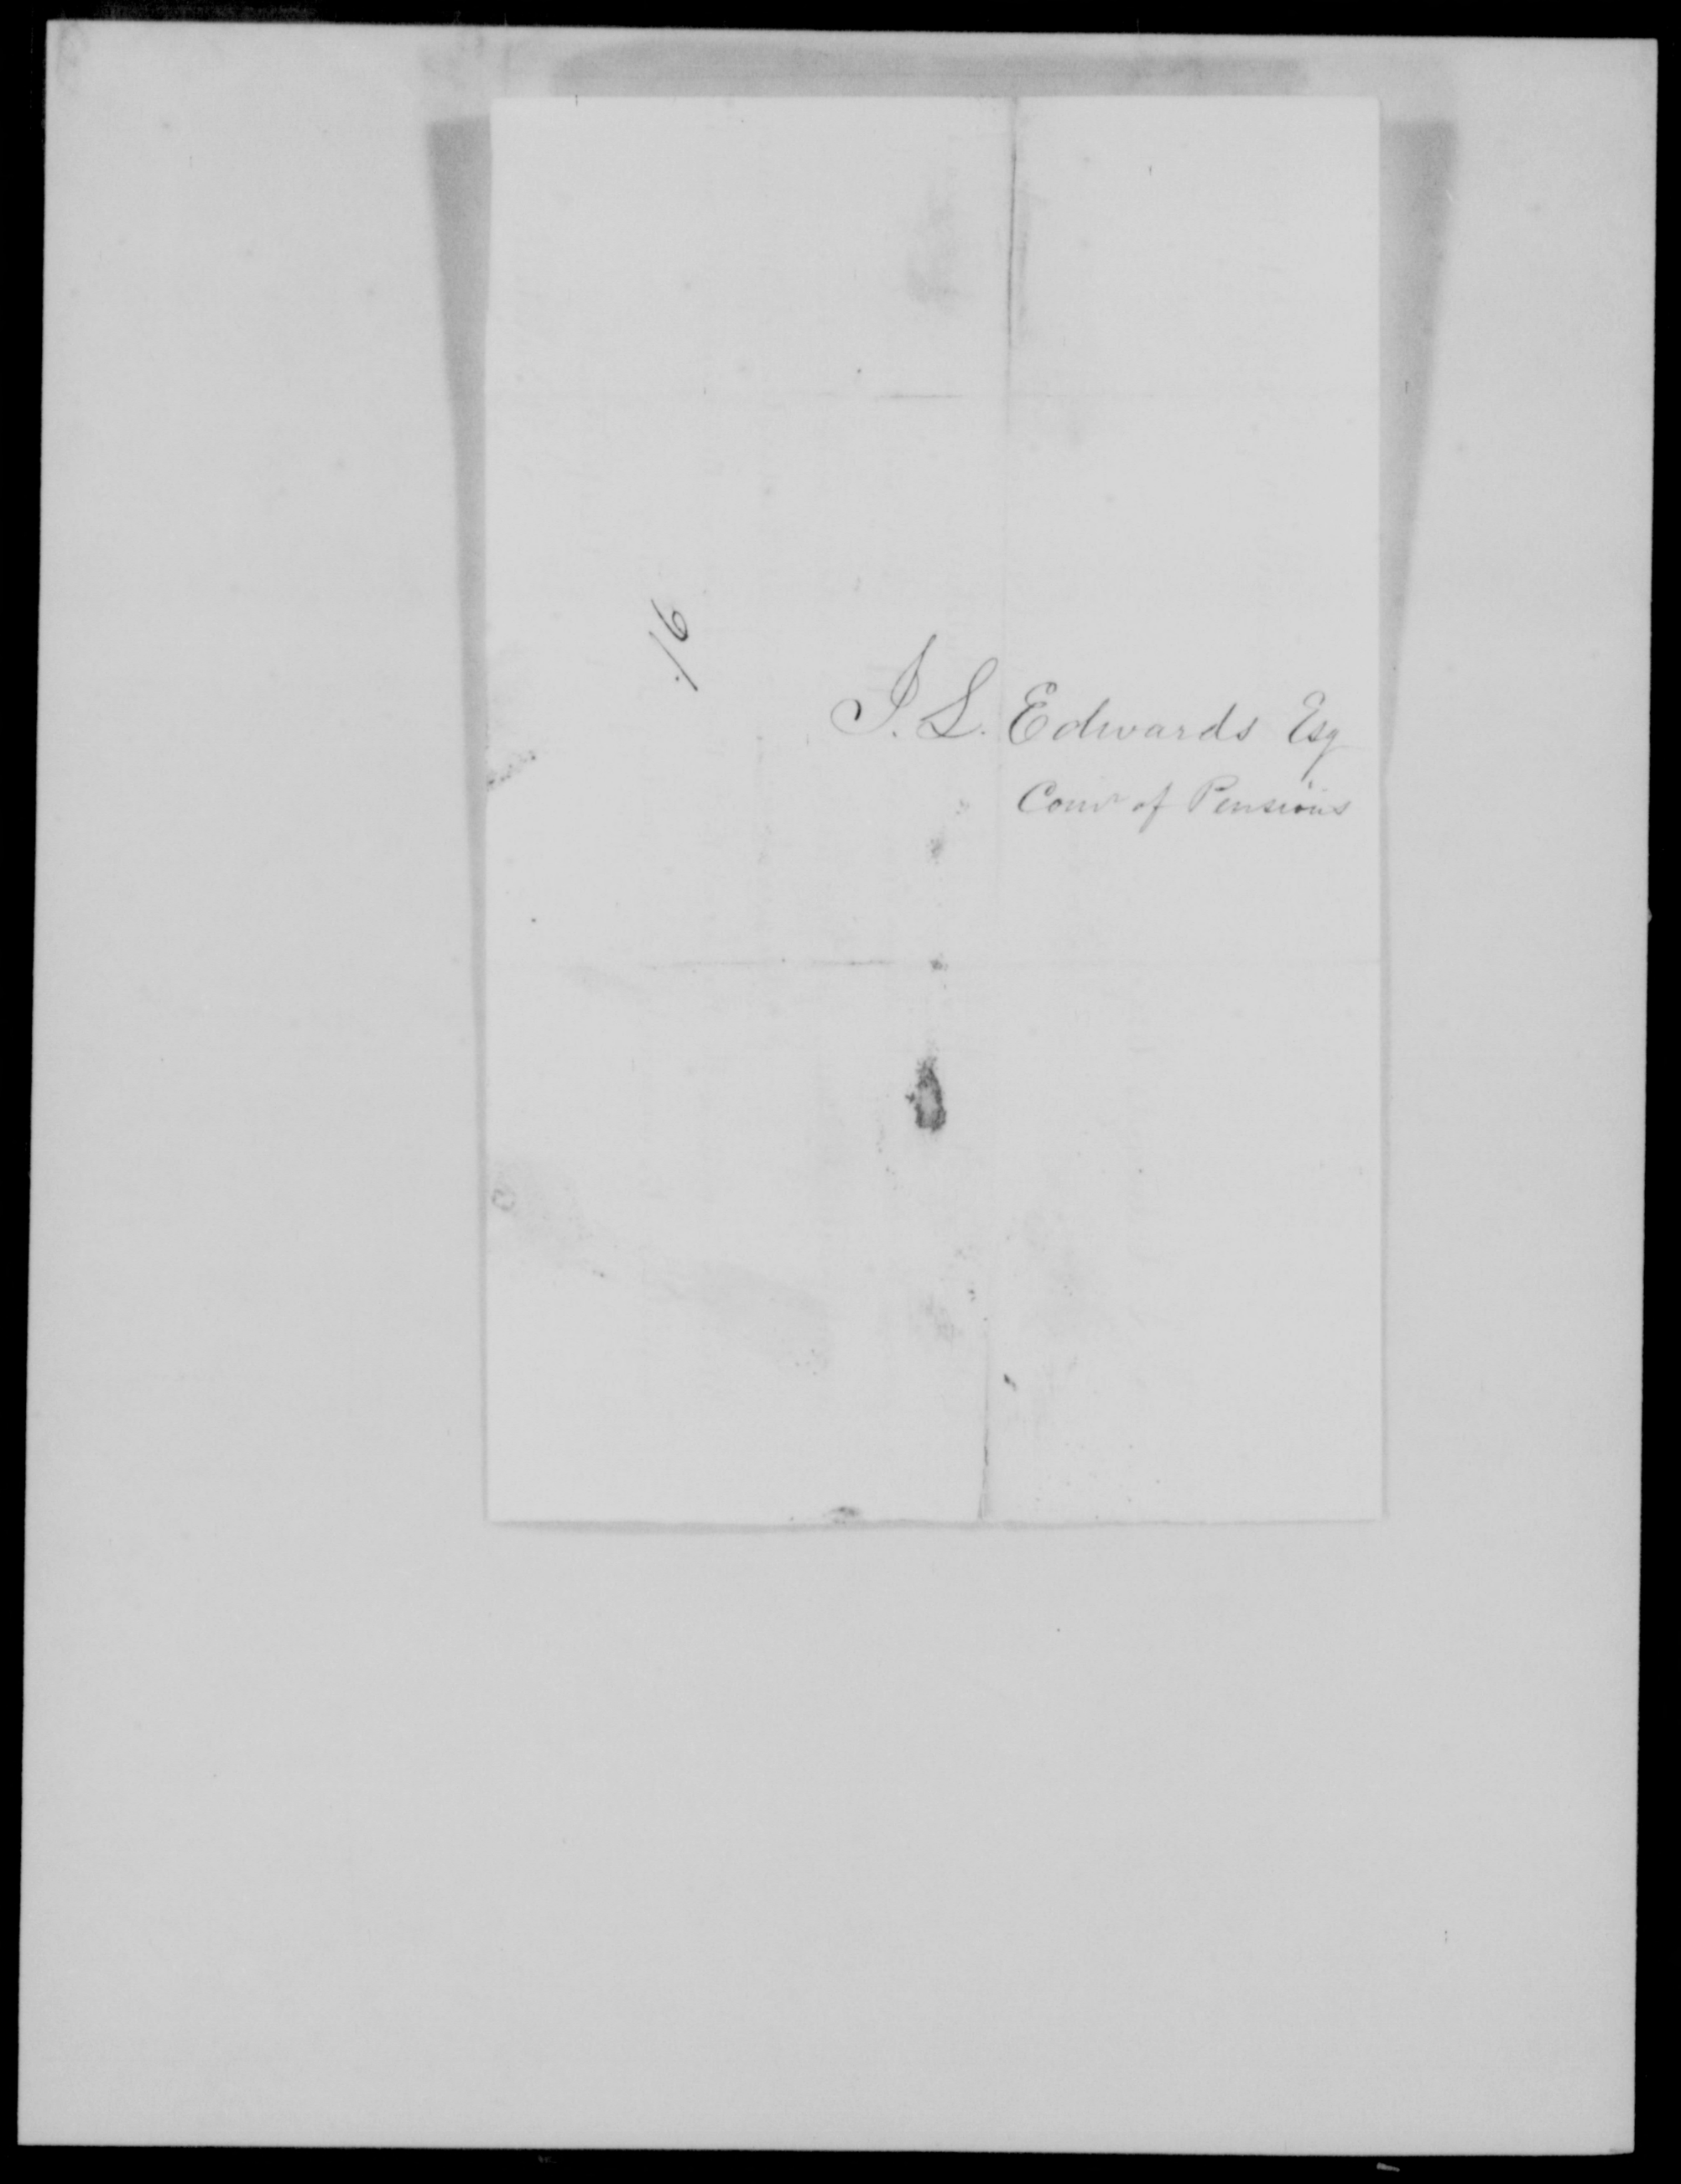J.L. Edwards Esq
Comm'r of Pensions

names: J L Edwards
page: 55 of 100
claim: widow's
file: W. 6437, Richard Wells, Ga Va.